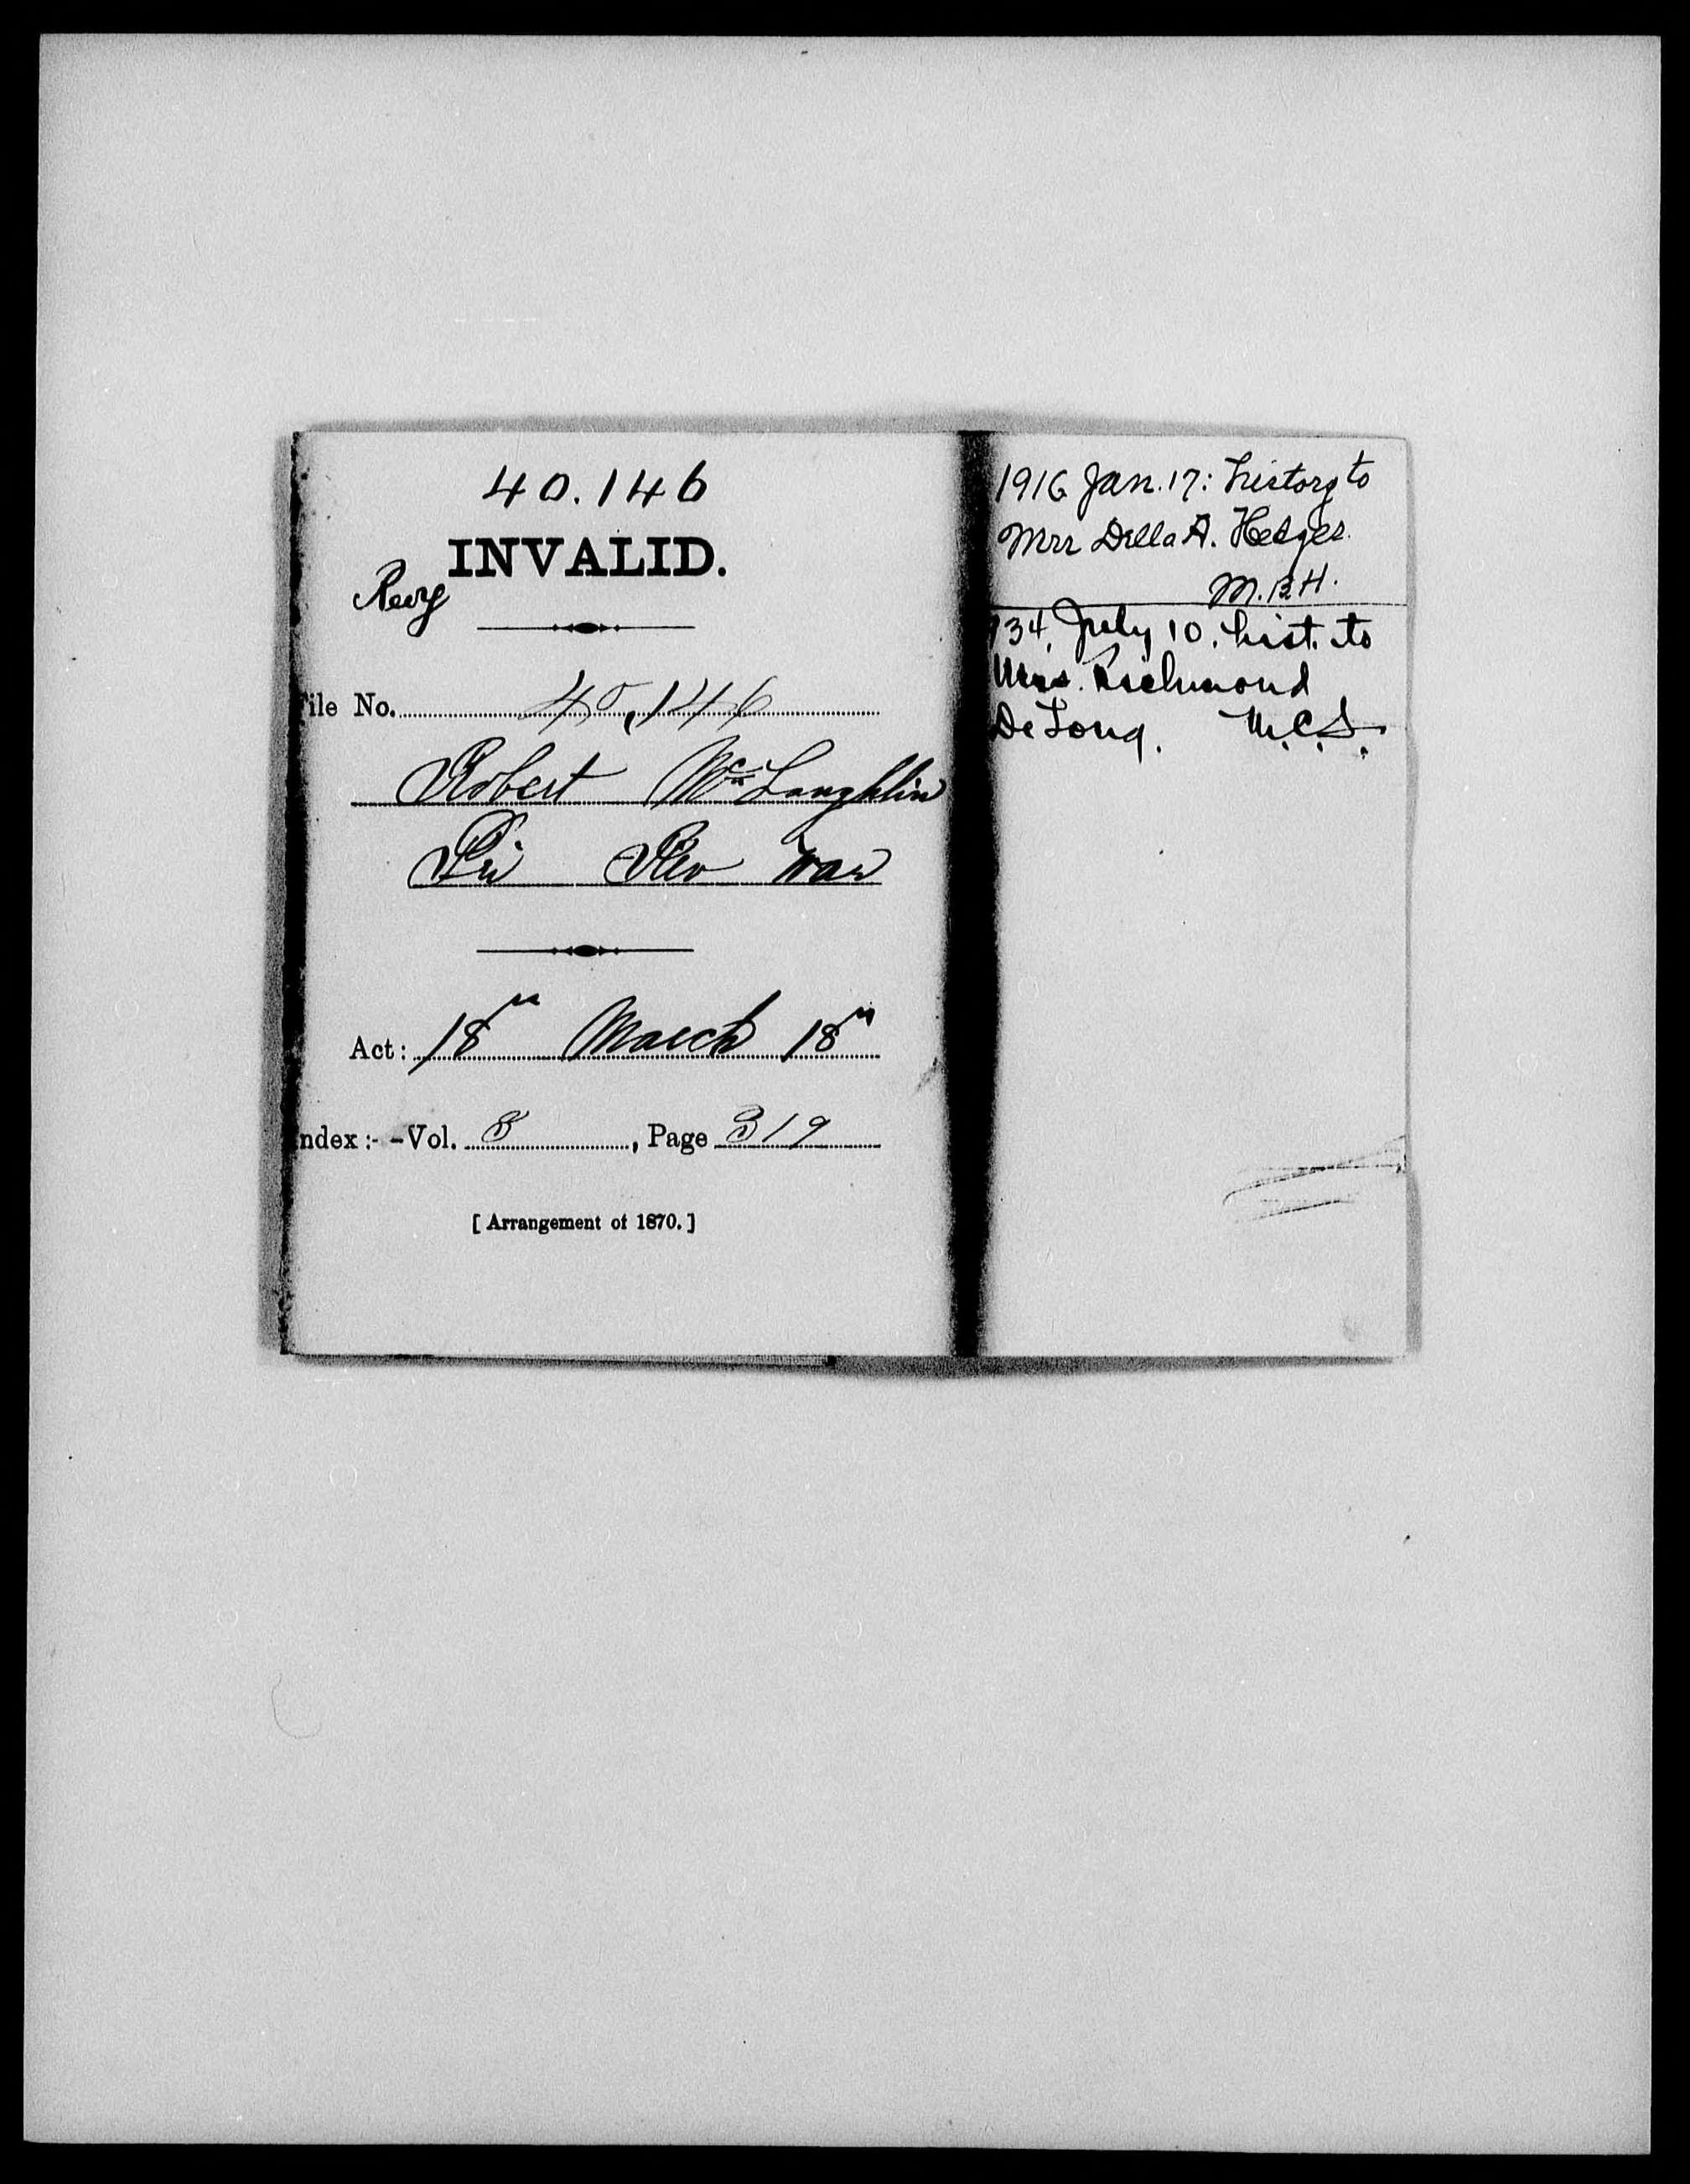40.146

INVALID

Revy

File No.  40.146

Robert McLaughlin
Priv - Rev War

Act:  18th March 18

Index:  Vol G, Page 319

[Arrangement of 1870]

-------
1916 Jan 17:  History to Mrs Della A Hedges - MBH

1934, July 10:  Hist to Mrs Richmond DeLong  - MCS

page: 14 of 19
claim: survivor's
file: S. 40,146, for Robert Mc Laughlin, Pennsylvania